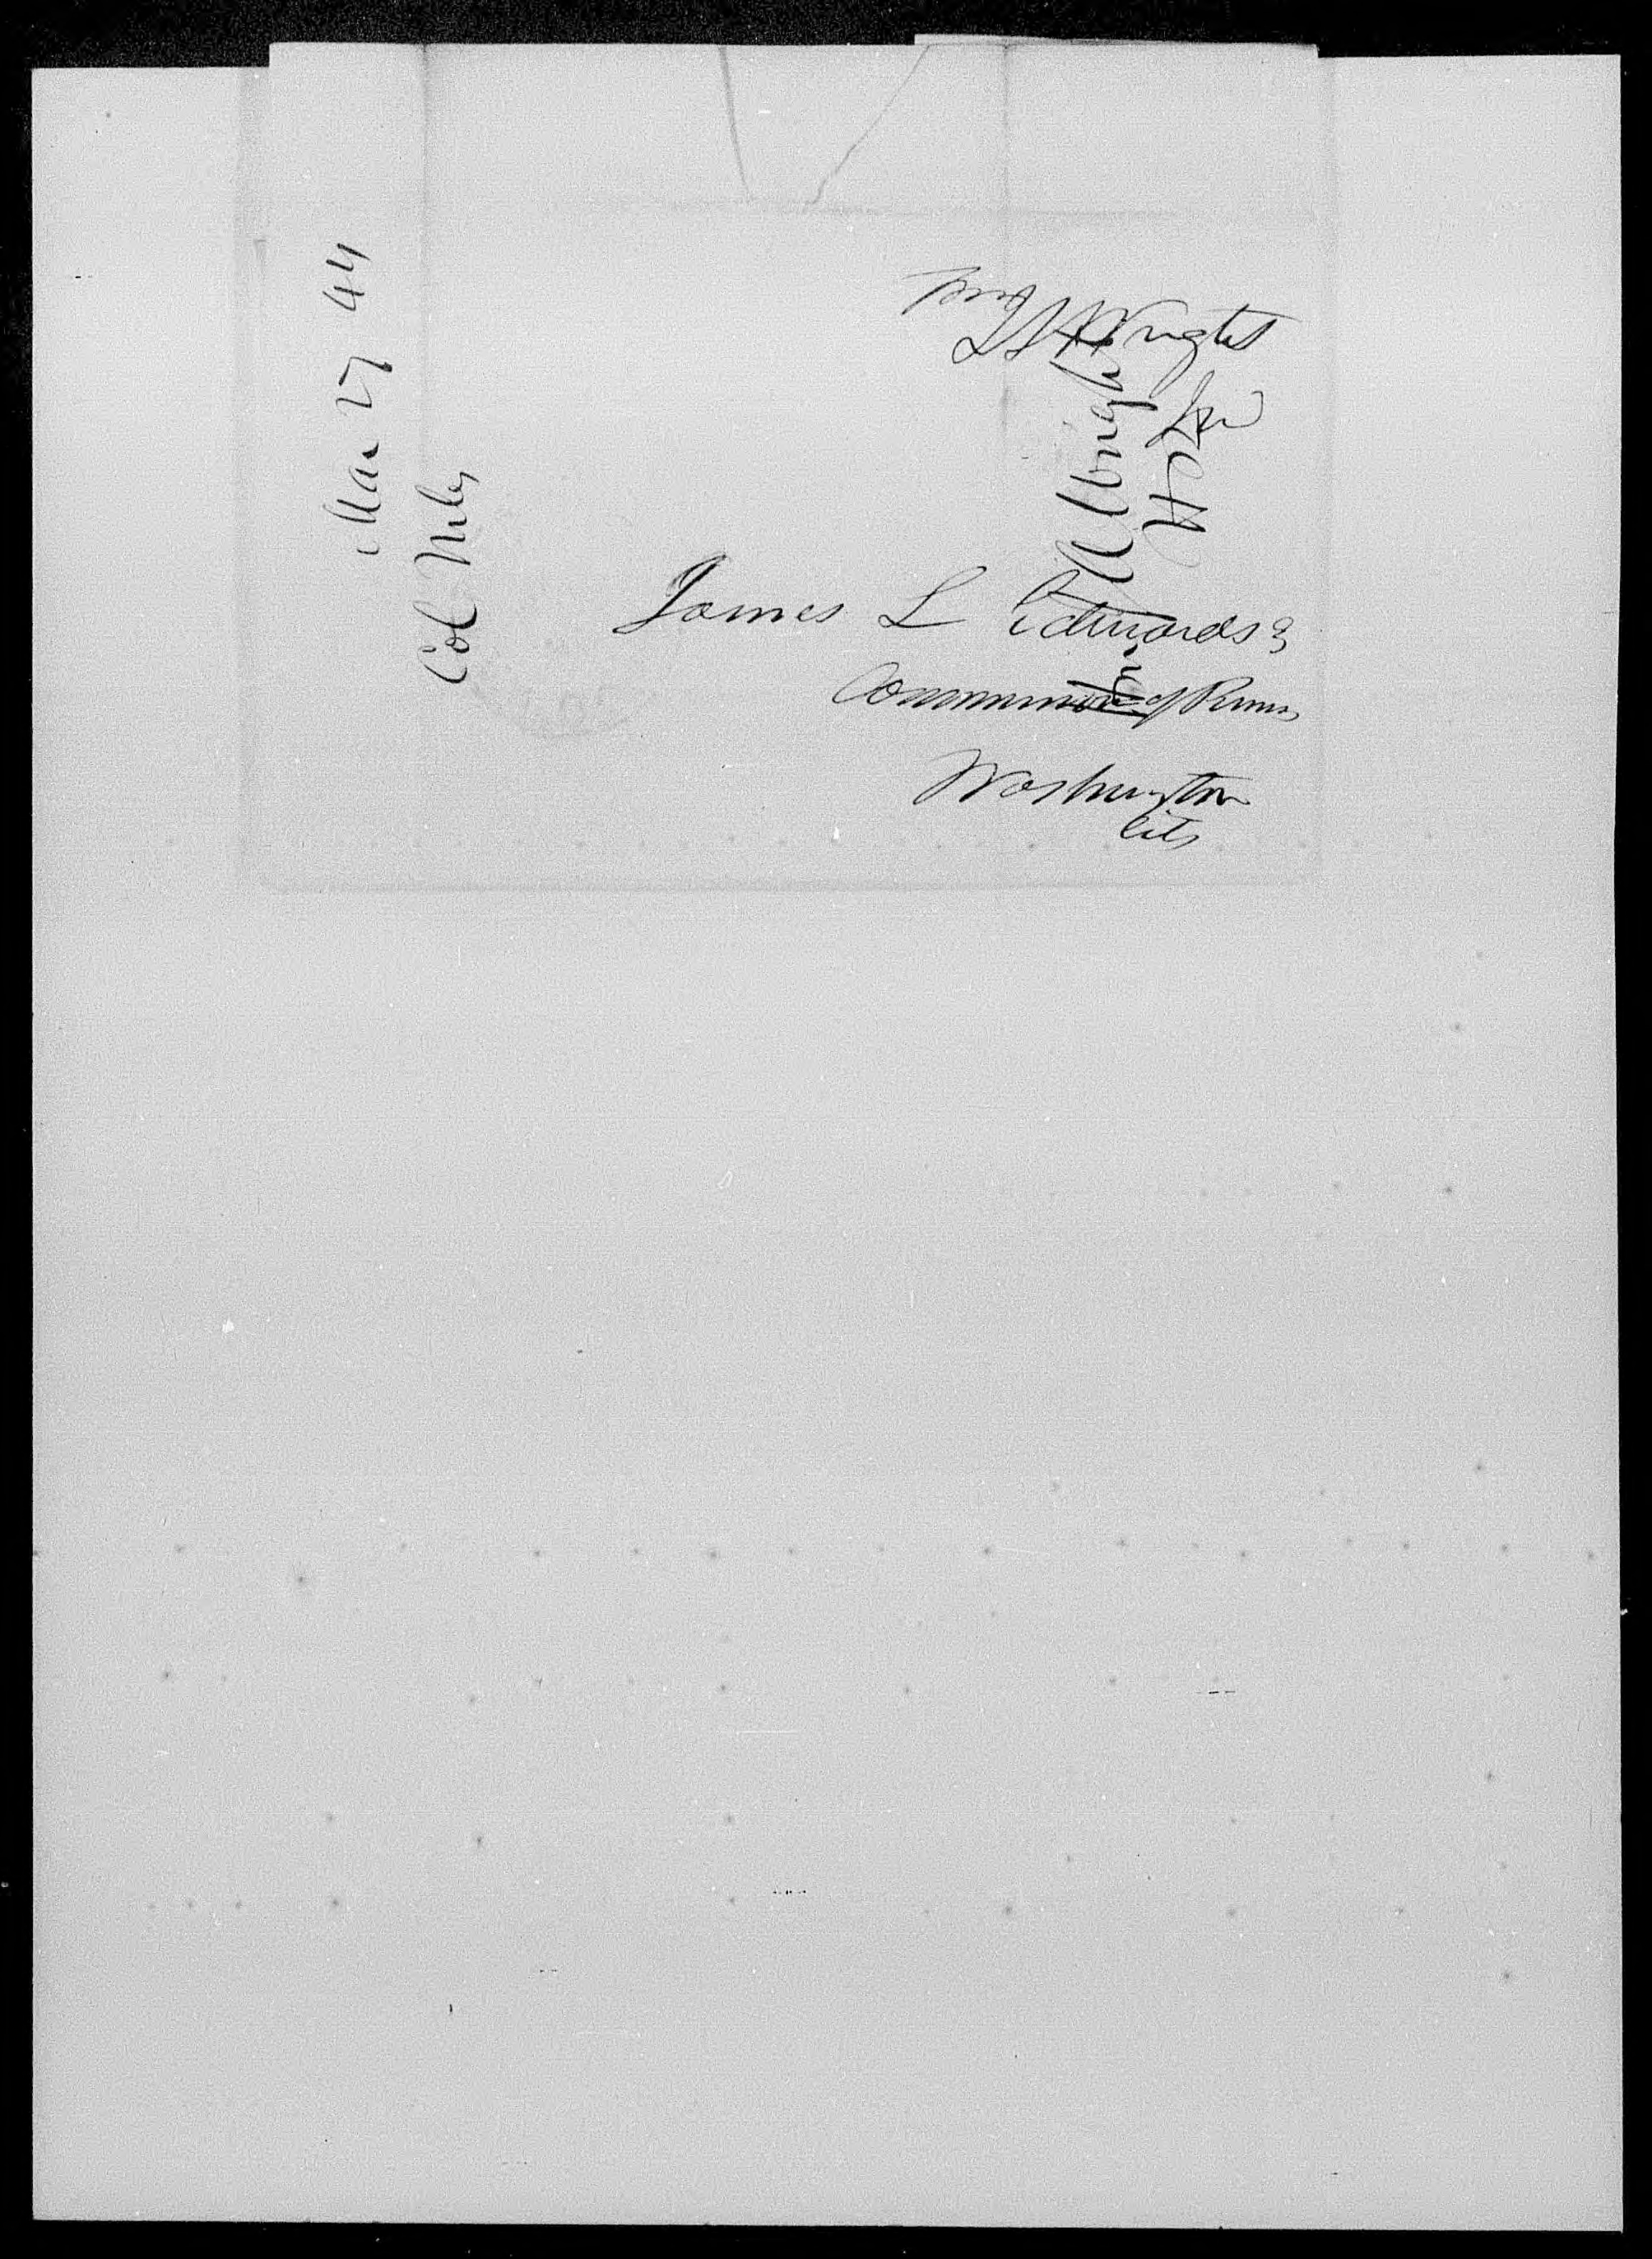James L. Edwards
Commissioner of Pensions
Washington City

Hon J.A. Wright

Mar 17 44
Col. Nile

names: James L Edwards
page: 17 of 18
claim: rejected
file: R. 5393, for Israel Hunt, New Jersey